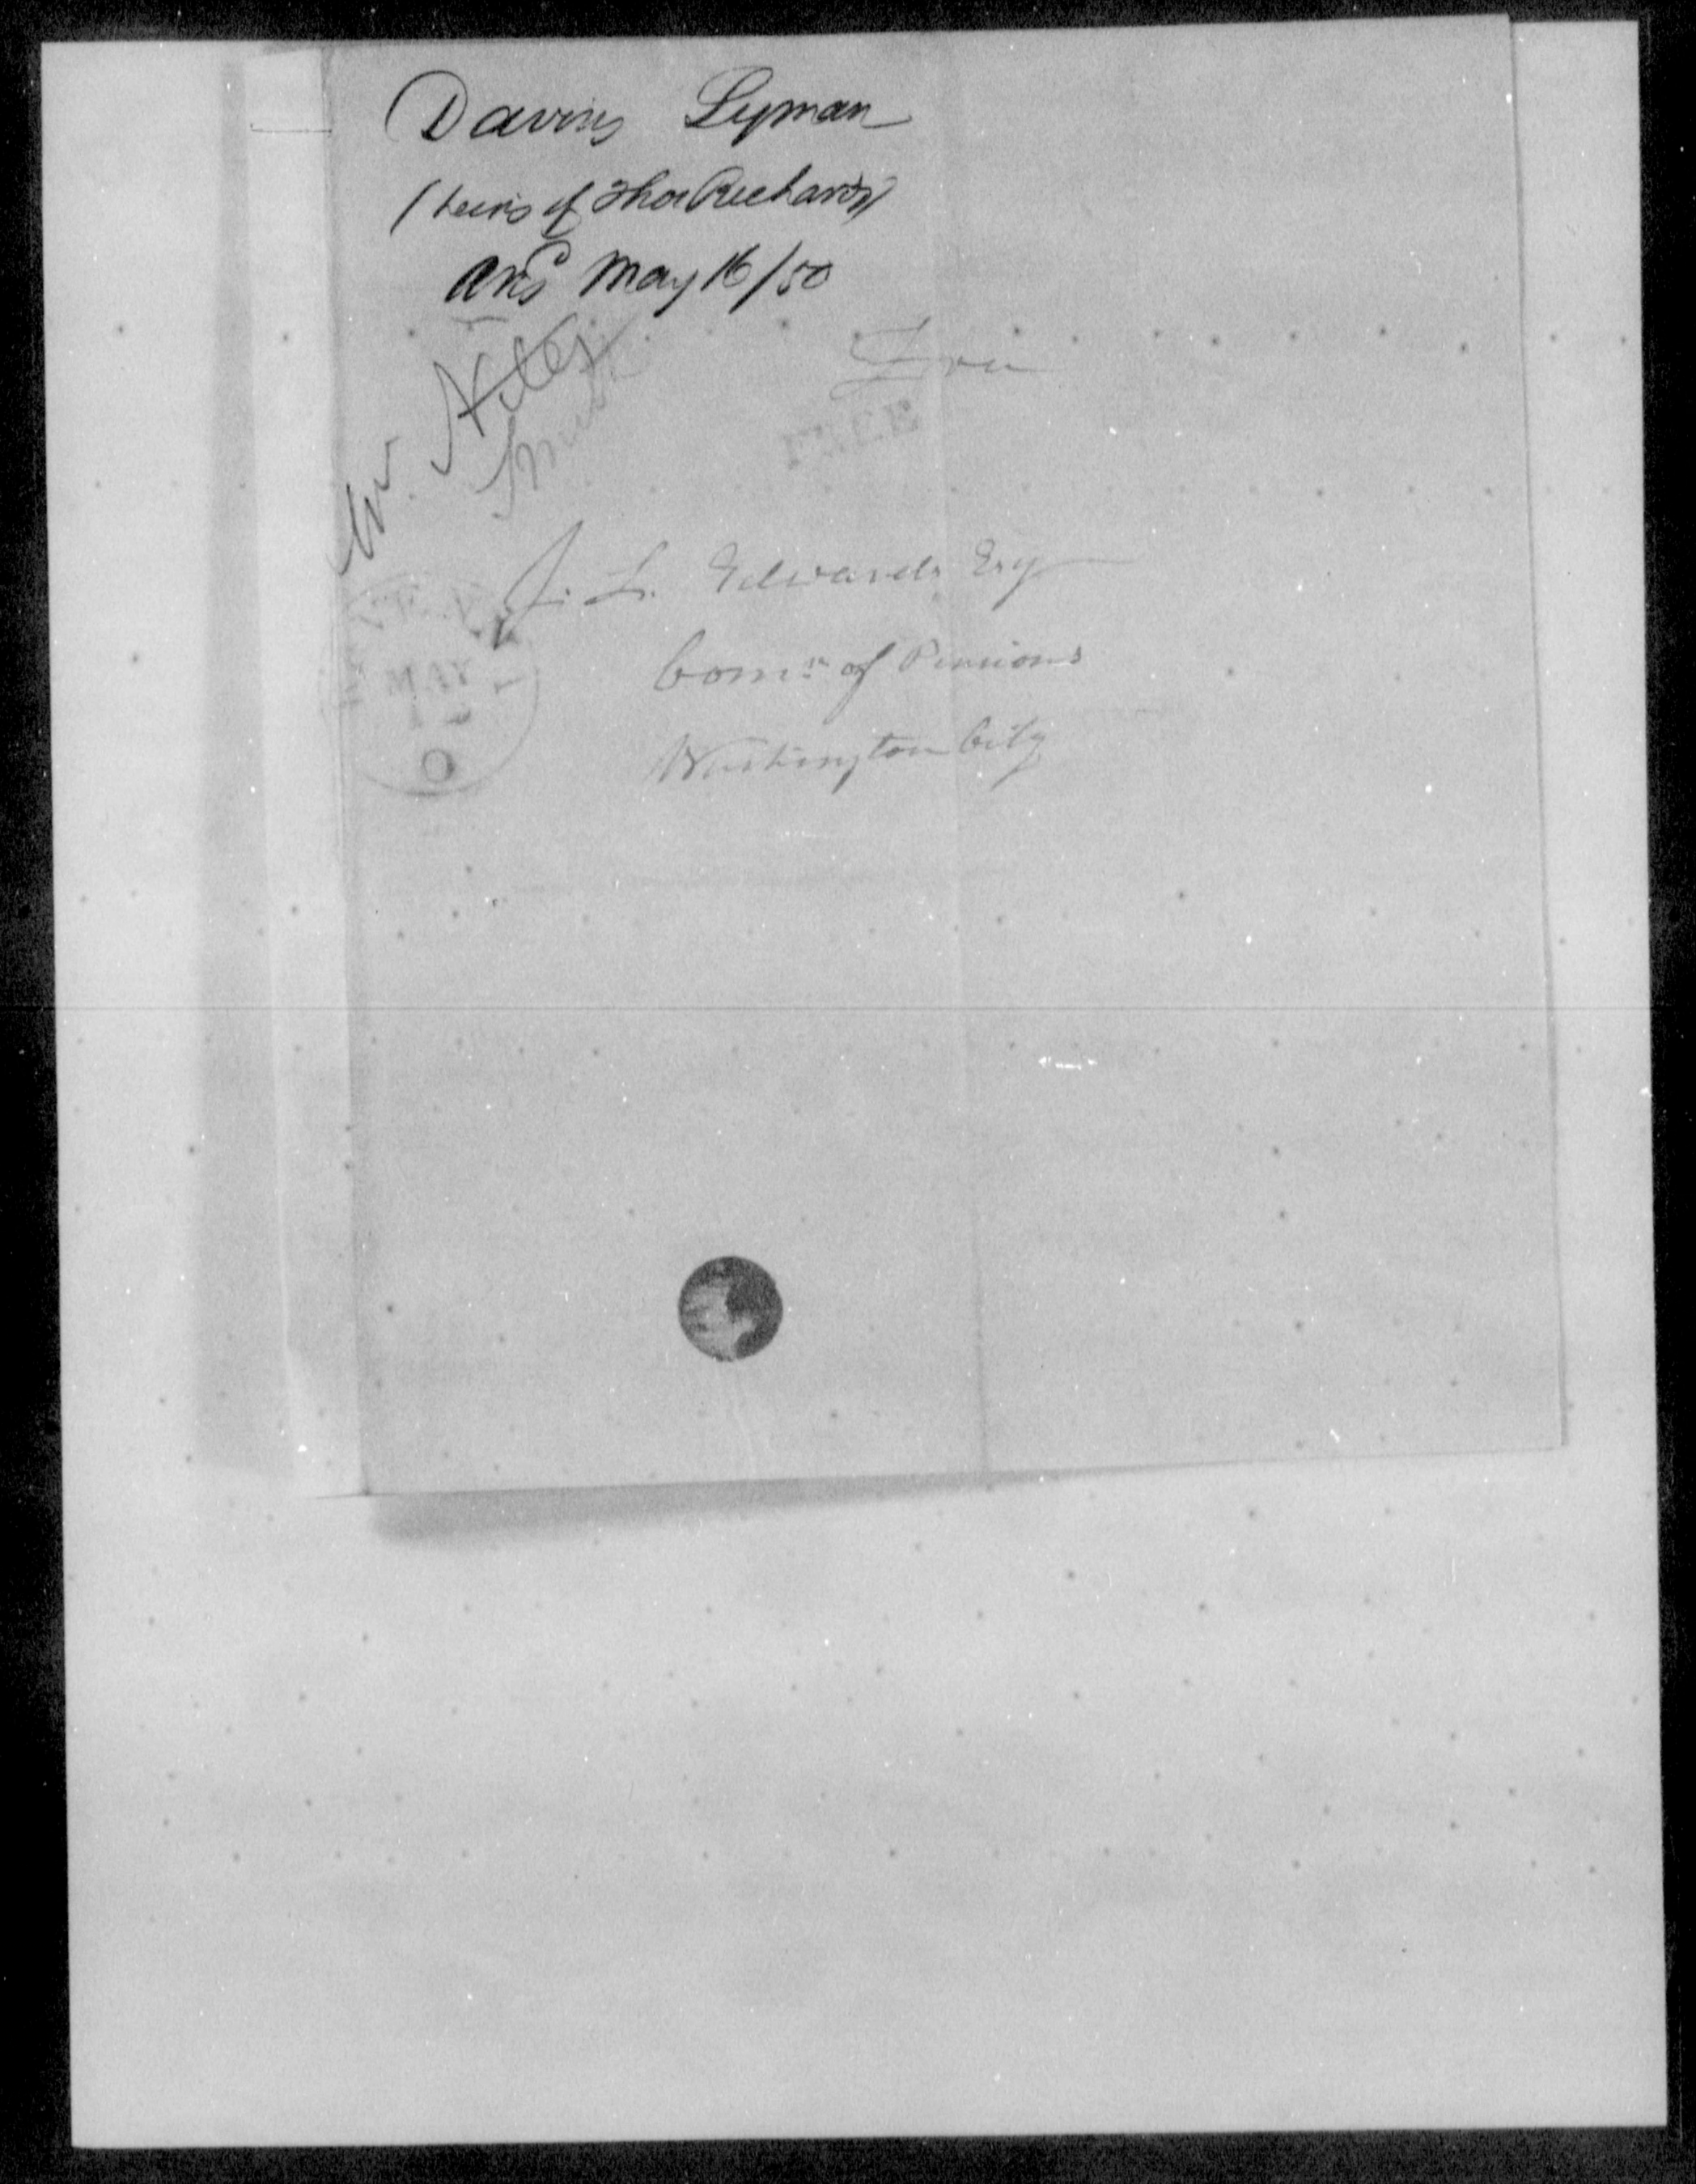Darius Lyman
Heirs of Thos [THOMAS] Richards
admd [ADMITTED] May 16/[18]50

FREE [postage]
J. L. Edwards Esq
Comr [COMMISSIONER] of Pensions
Washington City

[stamp] RAVANNA MAY O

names: [BLANK] Smith; J L Edwards; Davius Lyman; [BLANK] Niles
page: 51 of 109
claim: widow's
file: W. 5709, for Thomas Richards, New Hampshire